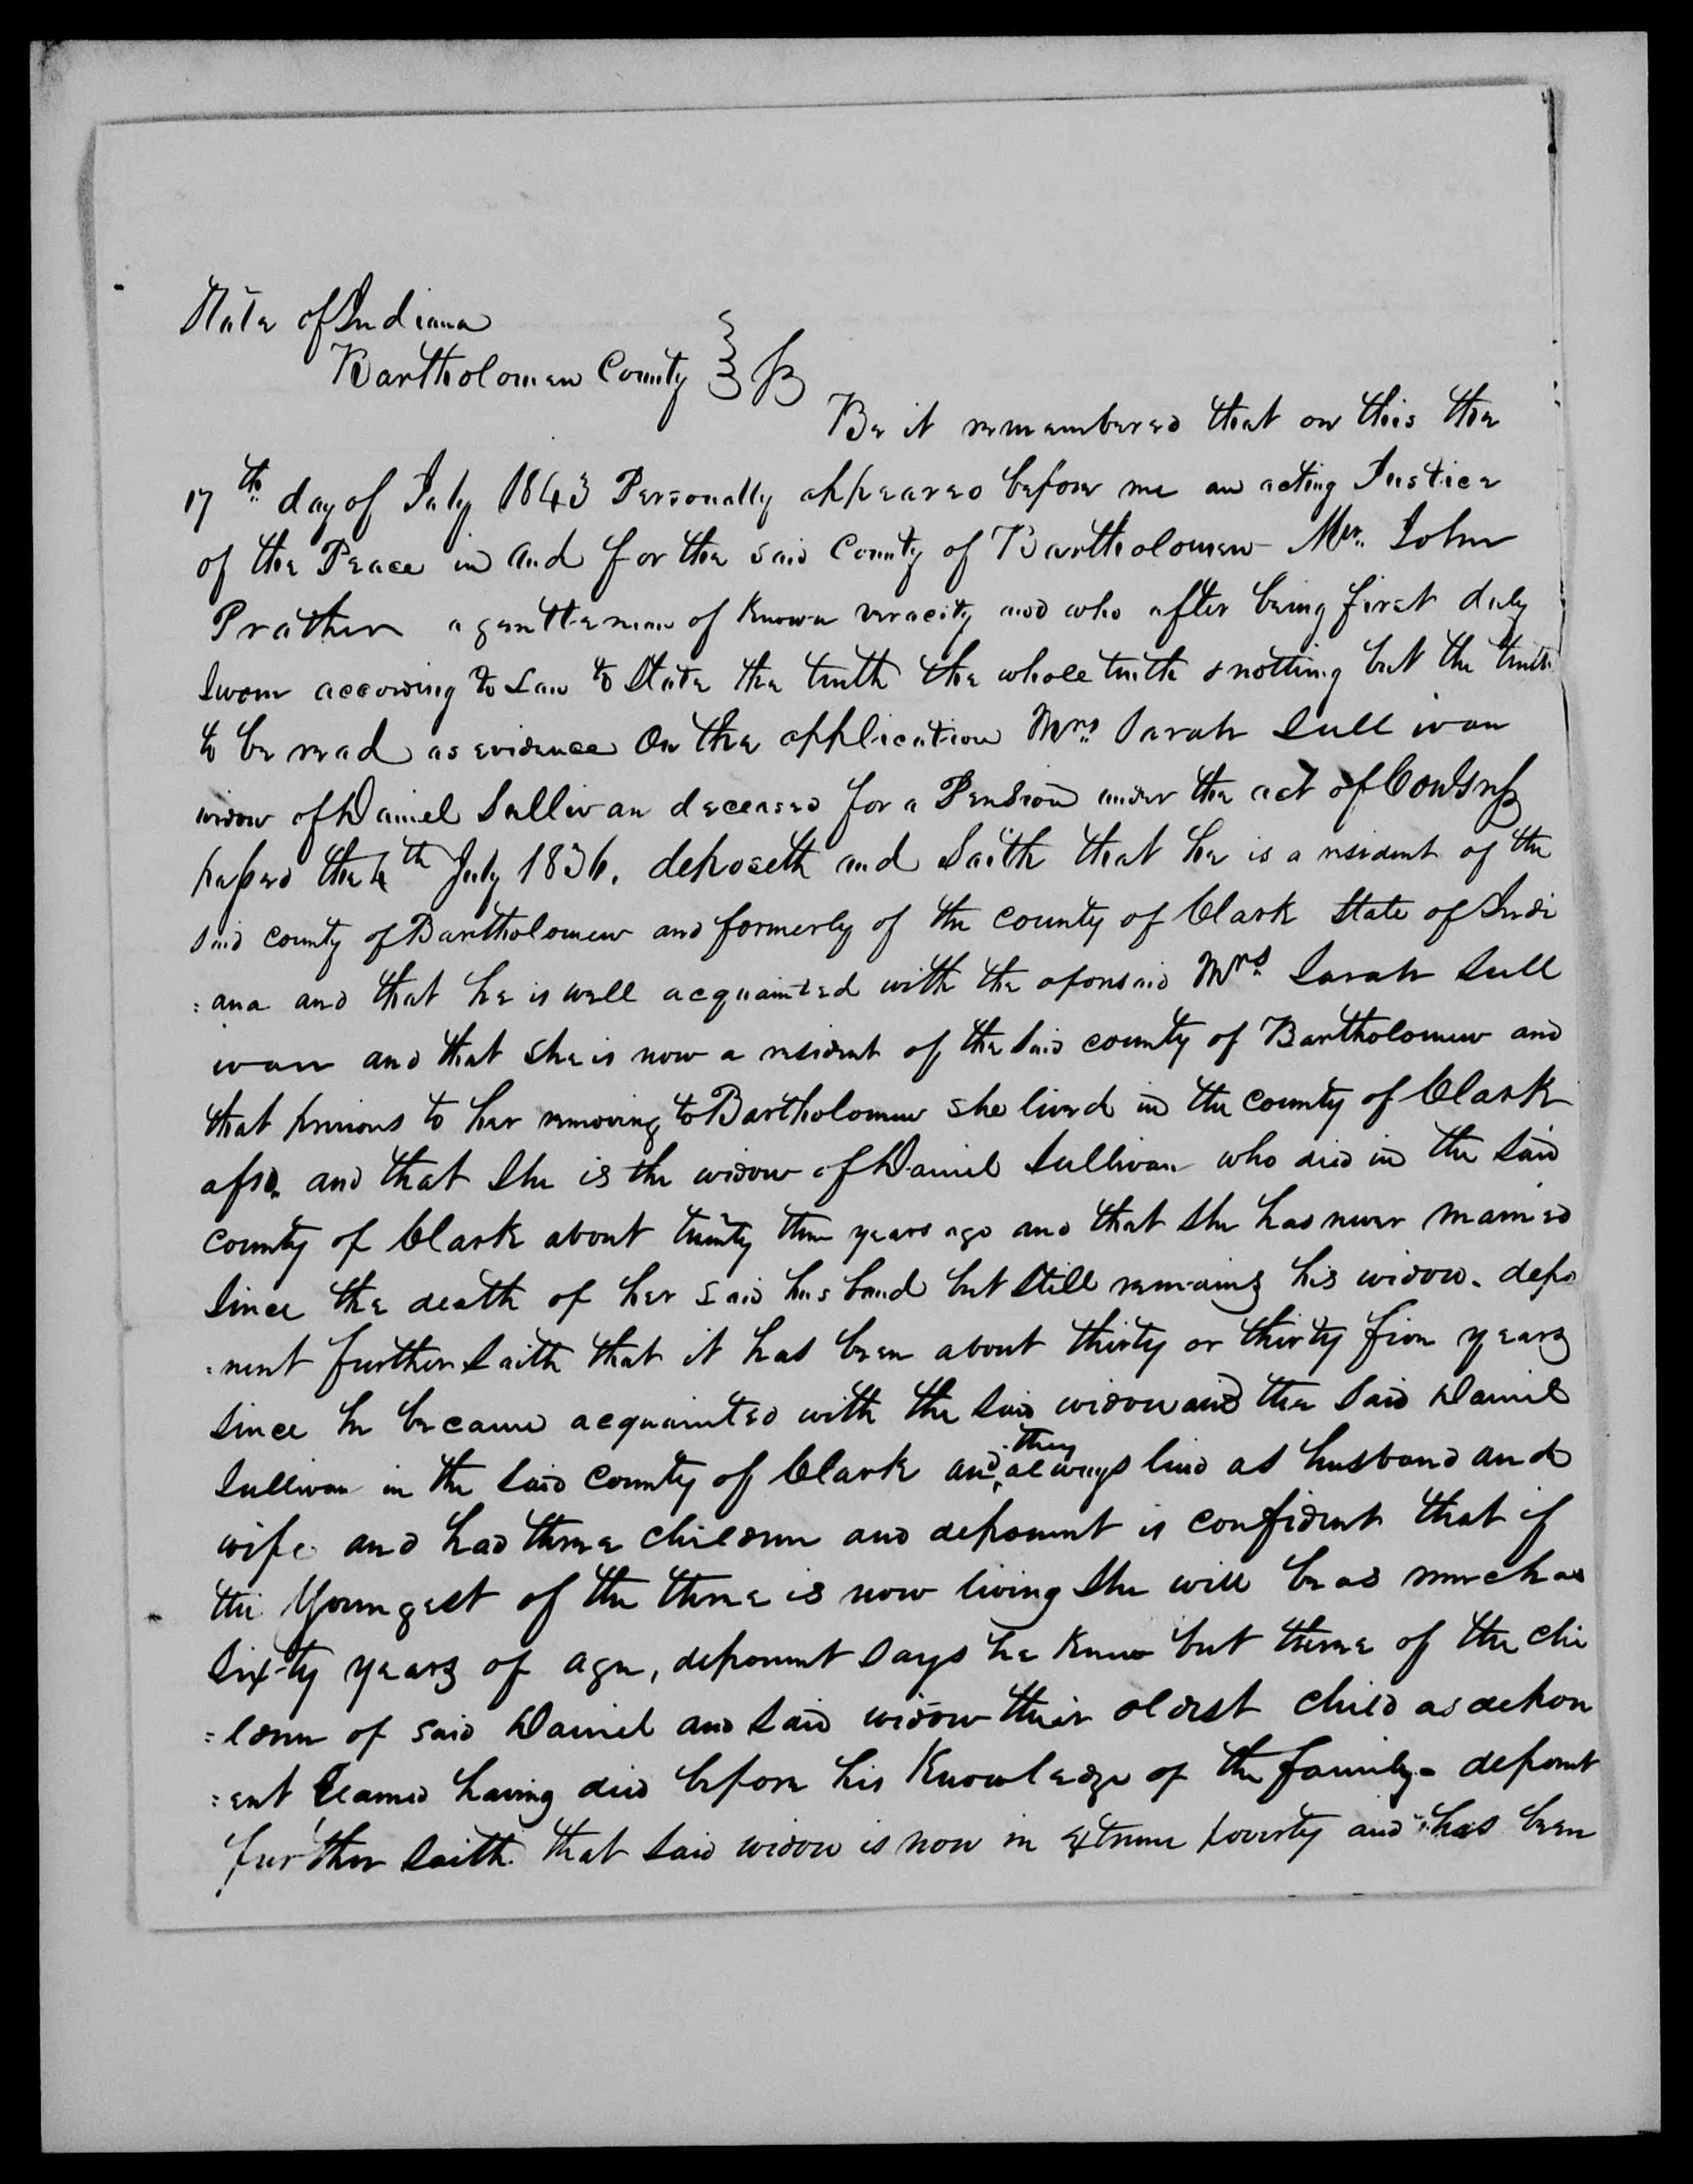State of Indiana Bartholomew County } ss
Be it remembered that on this the 17th day of July 1843 Personally appeared before me an acting Justice of the Peace in and for the said County of Bartholomew Mr John Prather a gentleman of known veracity and who after being first duly Sworn according to Law to state the truth the whole truth & nothing but the truth to be read as evidence on the application Mrs Sara Sullivan widow of Daniel Sullivan deceased for a Pension under the act of Congress passed the 4th July 1836. deposeth and Saith that he is a resident of the said County of Bartholomew and formerly of the County of Clark State of Indiana and that he is well acquainted with the aforesaid Mrs Sarah Sullivan and that she is now a resident of the said County of Bartholomew and that previous to her removing to Bartholomew she lived in the County of Clark and and that she is the widow of Daniel Sullivan who died in the Said County of Clark about twenty three years ago that she has never married since the death of her said husband buy still remains his widow. deponent further saith that it has been about thirty or thirty five years since he became acquainted with the said widow and the said Daniel Sullivan in the said County of Clark and they always lived as husband and wife and had three children and deponent is confident that if the Youngest of the three is now living she will be as much as sixty years of age, deponent says he knew but three of the children of said Daniel and said widow their oldest child as deponent named having died before his knowledge of the family deponent further saith that said widow is now in extreme poverty and has been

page: 25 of 78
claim: widow's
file: W. 25,169, for Daniel Sullivan, Maryland